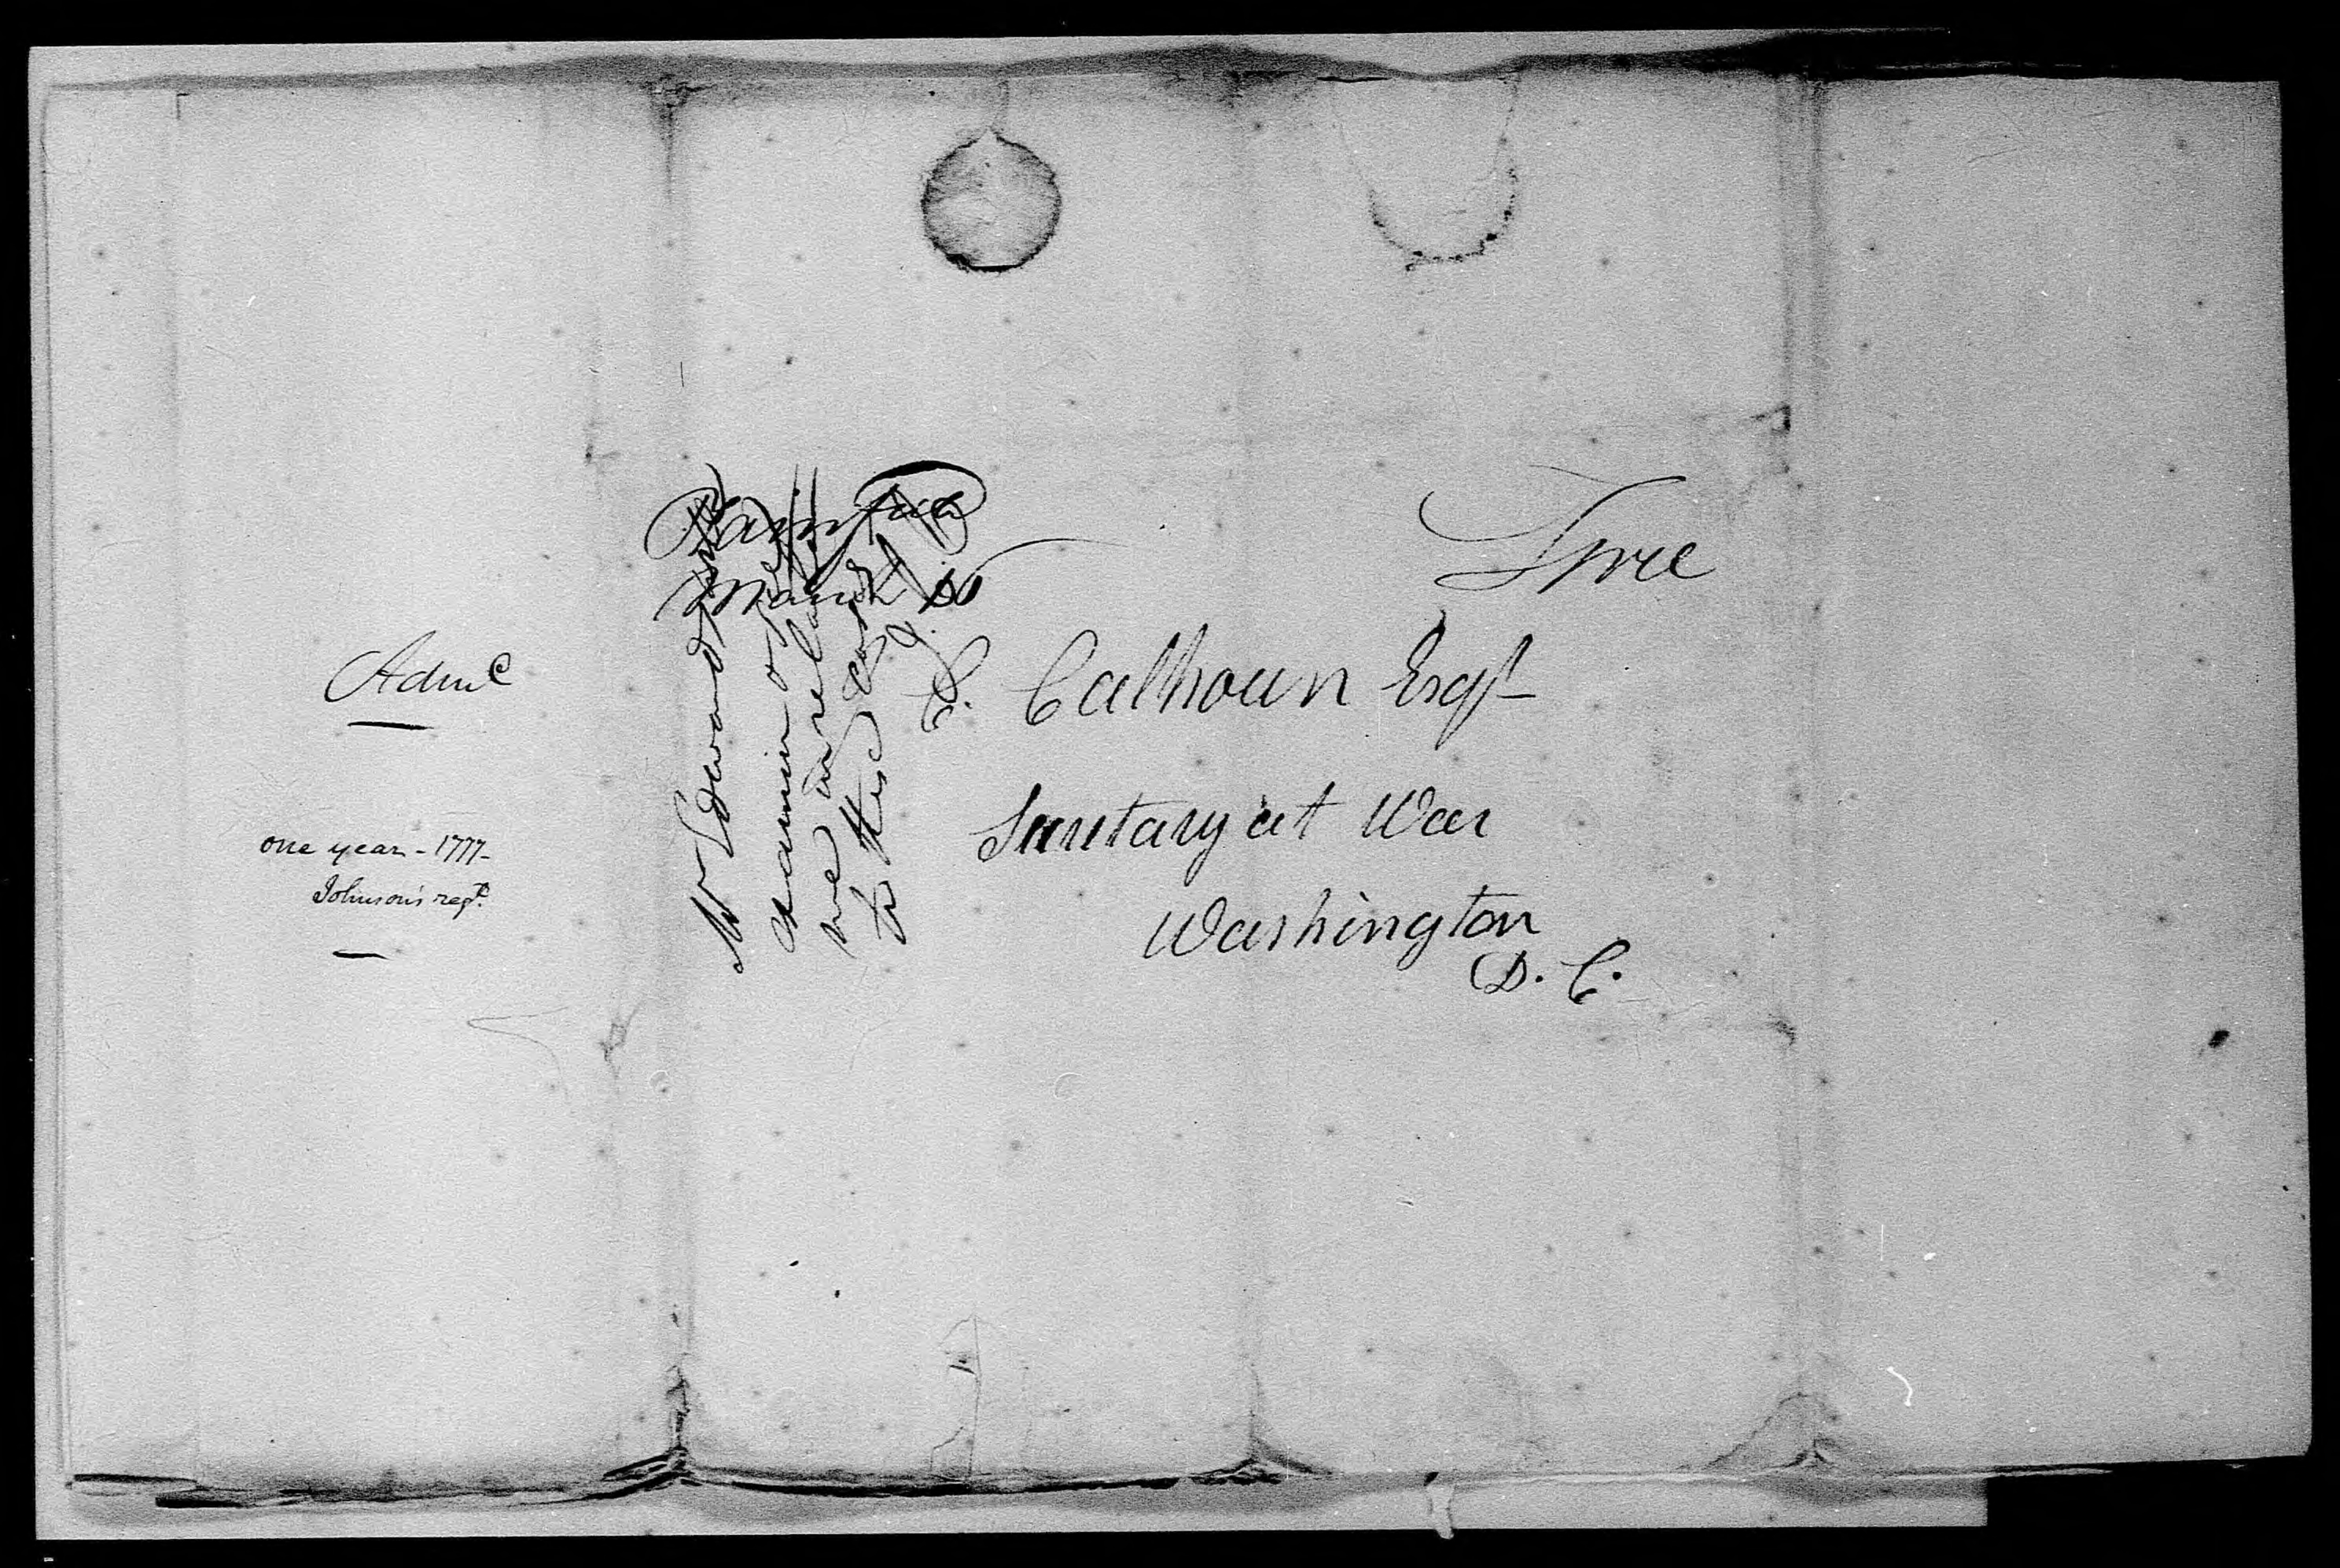Admr
one year - 1777.
Johnson's Regt
Barfold
March 16


Free
C. Calhoun Esqr
Secretary at War
Washington D.C.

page: 12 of 15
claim: survivor's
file: S. 33351, for Eder Kernine, New Jersey